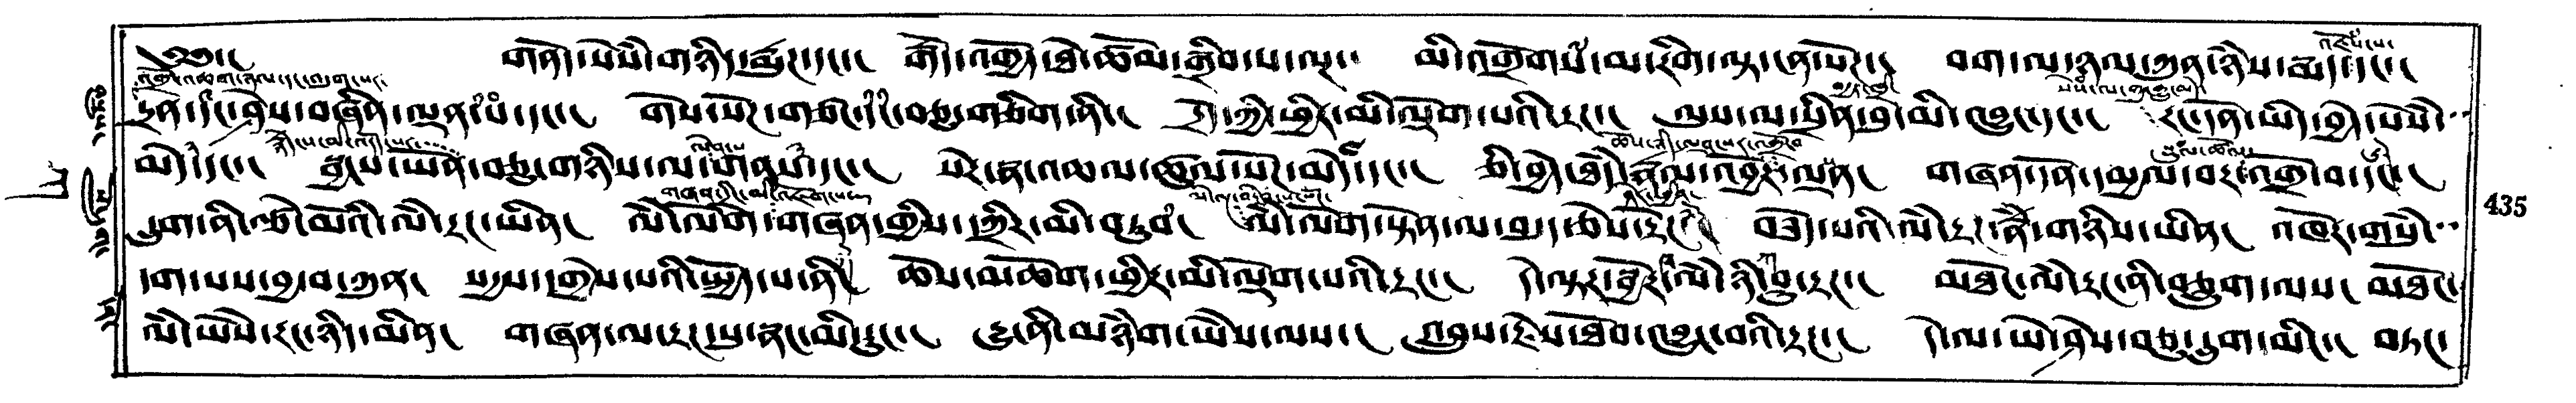གནོད་སེམས་གཉིད་རྨུགས་དང་། །རྒོད་འགྱོད་ཐེ་ཚོམ་སྒྲིབ་པ་ལྔ། །མི་འགྲོགས་མ་རིག་ལྟ་ངན་སོགས། །བག་ལ་ཉལ་ཀུན་ཉམས་སྨད་འཇོམས་པ་དང་།། 
འགྲོ་འཆག་ཉལ་དང་འདུག་པར་དྲན་དང་ཤེས་བཞིན་ལྡན་པ་དང་། །གོས་སོགས་གཙང་དང་བཅུ་གཅིག་ནི། །དྲོད་ཀྱི་ཕྱིར་མི་ལྡོག་པའི་རྟགས། །ལུས་ལ་སྲིན་བུ་བརྒྱད་ཁྲི་མི་འབྱུང་དང་།། སེམས་ལ་གྱ་གྱུ་མེད་རང་དོན་ཡིད་བྱེད་སེམས་
མེད་དང་། །སྦྱངས་ཡོན་རྙེད་པ་མི་འདོད་པར་བཅུ་གཉིས་ལ་ལེན་པ་གནས་དང་། །སེར་སྣ་འཆལ་ཚུལ་སོགས་མེད་དང་། །ཅི་བྱེད་ཐམས་ཅད་རྣལ་འབྱོར་ཆོས་ཉིད་ལྡན་པར་འགྲོ་བ་ལྡན། །གཞན་དོན་དམྱལ་བར་སྡུག་བསྔལ་ཚཽལ་འགྲོ་བ་དང། །
དྲུག་ནི་རྩེ་མོའི་ལམ་རྟགས་ཡིན། །ལམ་ལོག་གཞན་དྲིང་མི་འཇོག་པས་གཞན་གྱིས་བཀྲིར་མི་བཏུབ།། མེ་ལྔ་བརྟེན་པ་སོགས་ལམ་ལོག་སྟོན་ལ་བདུད་ཅེས་རྟོགས།། ཤེར་ཕྱིན་བཟོད་པའི་ལམ་རྟགས་རྣམ་གཉིས་ཡིན། །འཁོར་གསུམ་
དག་པས་བྱ་བ་ཀུན། །སངས་རྒྱས་དགྱེས་པའི་སྤྱོད་པ་ནི། །ཆོས་མཆོག་ཕྱིར་མི་ལྡོག་པའི་རྟགས། །དེ་ལྟར་ཉི་ཤུ་སྦྱོར་ལམ་རྟགས། །མཐོང་ལམ་རྟགས་ནི་བཅུ་དྲུག་ལས། །མཐོང་
ལམ་ཡེ་ཤེས་རང་ཉིད་མིན། །གཞན་ལ་རྟགས་སུ་སྣང་མི་རུང་། །རྒྱུ་ནི་མཉམ་བཞག་ཡེ་ཤེས་ལས། །འབྲས་བུ་རྗེས་ཐོབ་འབྱུང་བའི་རྟགས། །དེ་ལ་ཡེ་ཤེས་བཅུ་དྲུག་མིང་། །བཏགས་